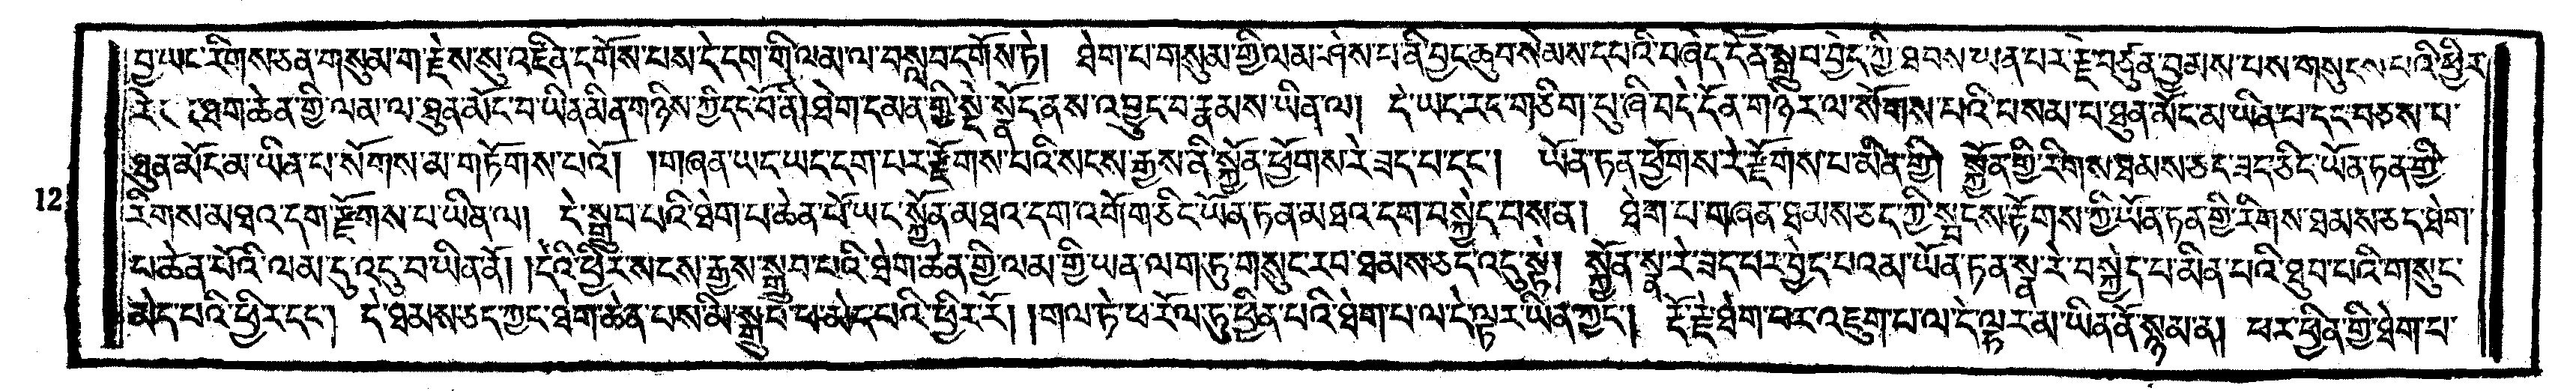བྱ་ཡང་རིགས་ཅན་གསུམ་ག་རྗེས་སུ་འཛིན་འདྒོས་པས་དེ་དག་གི་ལམ་ལ་བསླབ་དགོས་ཏེ། ཐེག་པ་གསུམ་གྱི་ལམ་ཤེས་པ་ནི་བྱང་ཆུབ་སེམས་དཔའི་བཞེད་དོན་སྒྲུབ་བྱེད་ཀྱི་ཐབས་ཡན་པར་རྗེ་བཙུན་བྱམས་པས་གསུངས་པའི་ཕྱིར་
རི༑ ༑ཐག་ཆེན་གྱི་ལམ་ལ་ཐུན་མོང་བ་ཡིན་མིན་གཉིས་ཀྱི་དང་བོ་ནི། ཐེག་དམན་གྱི་སྡེ་སྣོད་ནས་འབྱུང་བ་རྣམས་ཡིན་ལ། དེ་ཡང་རང་གཅིག་པུ་ཞི་བདེ་དོན་གཉེར་ལ་སོགས་པའི་བསམ་པ་ཐུན་མོང་མ་ཡིན་པ་དང་བཅས་པ་
ཐུན་མོང་མ་ཡིན་པ་སོགས་མ་གཏོགས་པའོ། །གཞན་ཡང་ཡང་དག་པར་རྫོགས་པའི་སངས་རྒྱས་ནི་སྐྱོན་ཕྱོགས་རེ་ཟད་པ་དང་། ཡོན་ཏན་ཕྱོགས་རེ་རྫོགས་པ་མིན་གྱི། སྐྱོན་གྱི་རིགས་ཐམས་ཅད་ཟད་ཅིང་ཡོན་ཏན་གྱི་
རིགས་མཐའ་དག་རྫོགས་པ་ཡིན་ལ། དེ་སྒྲུབ་པའི་ཐེག་པ་ཆེན་པོ་ཡང་སྐྱོན་མཐའ་དག་འགོག་ཅིང་ཡོན་ཏན་མཐའ་དག་བསྐྱེད་པས་ན། ཐེག་པ་གཞན་ཐམས་ཅད་ཀྱི་སྤངས་རྟོགས་ཀྱི་ཡོན་ཏན་གྱི་རིགས་ཐམས་ཅད་ཐེག་
པ་ཆེན་པོའི་ལམ་དུ་འདུ་བ་ཡིན་ནོ། །དེའི་ཕྱིར་སངས་རྒྱས་སྒྲུབ་པའི་ཐེག་ཆེན་གྱི་ལམ་གྱི་ཡན་ལག་ཏུ་གསུང་རབ་ཐམས་ཅད་འདུ་སྟེ། སྐྱོན་སྣ་རེ་ཟད་པར་བྱེད་པའམ་ཡོན་ཏན་སྣ་རེ་བསྐྱེད་པ་མིན་པའི་ཐུབ་པའི་གསུང་
མེད་པའི་ཕྱིར་དང་།དེ་ཐམས་ཅད་ཀྱང་ཐེག་ཆེན་པས་མི་སྒྲུབ་ཕ་མེད་པའི་ཕྱིར་རོ། །གལ་ཏེ་ཕ་རོལ་ཏུ་ཕྱིན་པའི་ཐེག་པ་ལ་དེ་ལྟར་ཡིན་ཀྱང་། རྡོ་རྗེ་ཐེག་པར་འཇུག་པ་ལ་དེ་ལྟར་མ་ཡིན་ནོ་སྙམ་ན། ཕར་ཕྱིན་གྱི་ཐེག་པ་